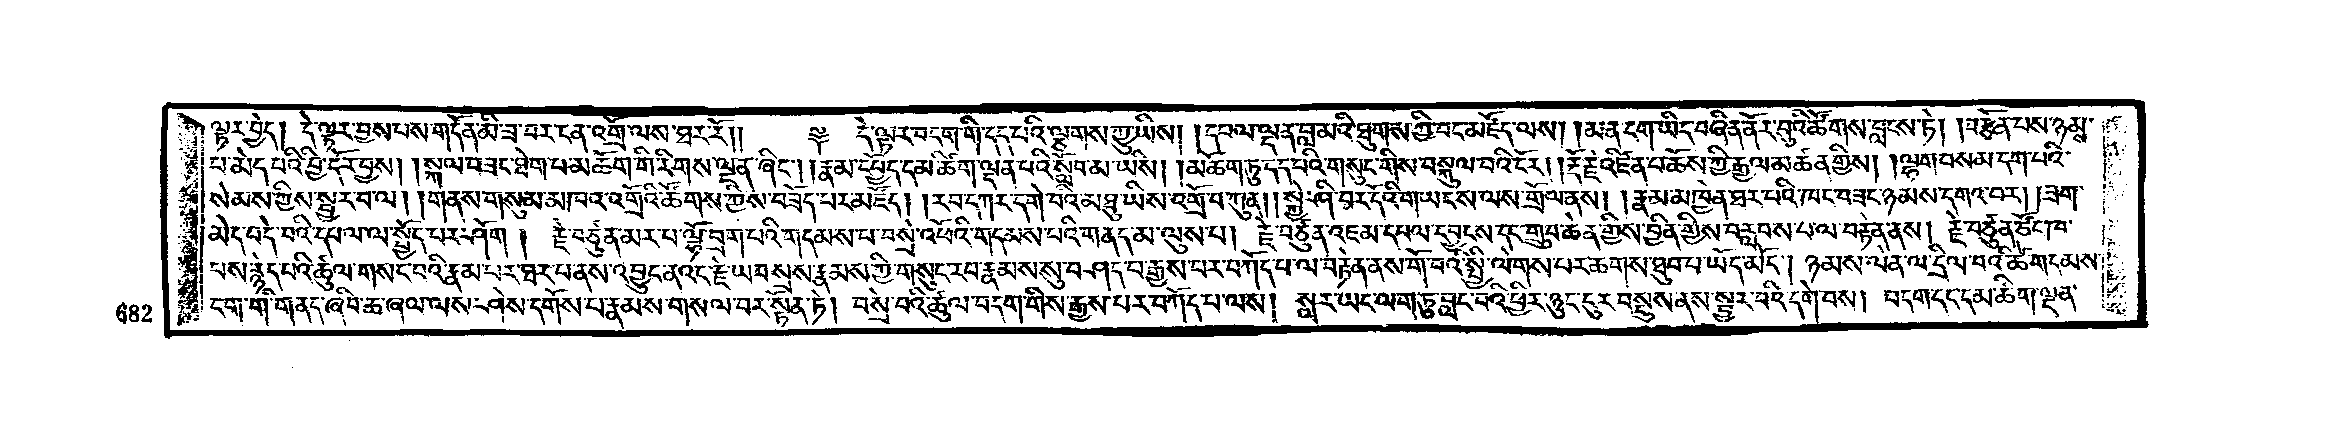ལྟར་བྱེད། དེ་ལྟར་བྱས་པས་གདོན་མི་ཟ་བར་ངན་འགྲོ་ལས་ཐར་རོ།། ༈ དེ་ལྟར་བདག་གི་དད་པའི་ལྕགས་ཀྱུ་ཡིས། །དཔལ་ལྡན་བླ་མའི་ཐུགས་ཀྱི་བང་མཛོད་ལས། །མན་ངག་ཡིད་བཞིན་ནོར་བུའི་ཚོགས་བླངས་ཏེ། །བརྩོན་པས་ཉམས་
པ་མེད་པའི་བྱི་དོར་བྱས། །སྐལ་བཟང་ཐེག་པ་མཆོག་གི་རིགས་ལྡན་ཞིང་། །རྣམ་དཔྱོད་དམ་ཚིག་ལྡན་པའི་སློབ་མ་ཡིས། །མཆོག་ཏུ་དད་པའི་གསུང་གིས་བསྐུལ་བའི་ངོར། །རྡོ་རྗེ་འཛིན་པ་ཆོས་ཀྱི་རྒྱལ་མཚན་གྱིས། །ལྷག་བསམ་དག་པའི་
སེམས་ཀྱིས་སྦྱར་བ་ལ། །གནས་གསུམ་མཁའ་འགྲོའི་ཚོགས་ཀྱིས་བཟོད་པར་མཛོད། །རབ་དཀར་དགེ་བའི་མཐུ་ཡིས་འགྲོ་བ་ཀུན། །སྐྱེ་ཤི་བར་དོའི་གཡང་ས་ལས་གྲོལ་ནས། །རྣམ་མཁྱེན་ཐར་པའི་ཁང་བཟང་ཉམས་དགའ་བར། །ཟག་
མེད་བདེ་བའི་དཔལ་ལ་སྤྱོད་པར་ཤོག །རྗེ་བཙུན་མར་པ་ལྷོ་བྲག་པའི་གདམས་པ་བསྲེ་འཕོའི་གདམས་པའི་གནད་མ་ལུས་པ། རྗེ་བཙུན་འཇམ་དཔལ་དབྱངས་དང་གྲུབ་ཆེན་གྱིས་བྱིན་གྱིས་བརླབས་པ་ལ་བརྟེན་ནས། རྗེ་བཙུན་ཙོང་ཁ་
པས་རྙེད་པའི་ཚུལ་གསང་བའི་རྣམ་པར་ཐར་པ་ནས་འབྱུང་ནའང་རྗེ་ཡབ་སྲས་རྣམས་ཀྱི་གསུང་རབ་རྣམས་སུ་བཤད་པ་རྒྱས་པར་བཀོད་པ་ལ་བརྟེན་ནས་གོ་བའི་སྤྱི་ལེགས་པར་ཆགས་ཐུབ་པ་ཡོད་མོད། ཉམས་ལེན་ལ་དྲིལ་བའི་ཚེ་གདམས་
ངག་གི་གནད་ཞིབ་ཆ་ཞལ་ལས་ཤེས་དགོས་པ་རྣམས་གསལ་བར་སྟོན་ཏེ། བསྲེ་བའི་ཚུལ་བདག་གིས་རྒྱས་པར་བཀོད་པ་ལས། སླར་ཡང་ལག་ཏུ་བླང་བའི་ཕྱིར་ཉུང་ངུར་བསྡུས་ནས་སྦྱར་བའི་དགེ་བས། བདག་དང་དམ་ཚིག་ལྡན་